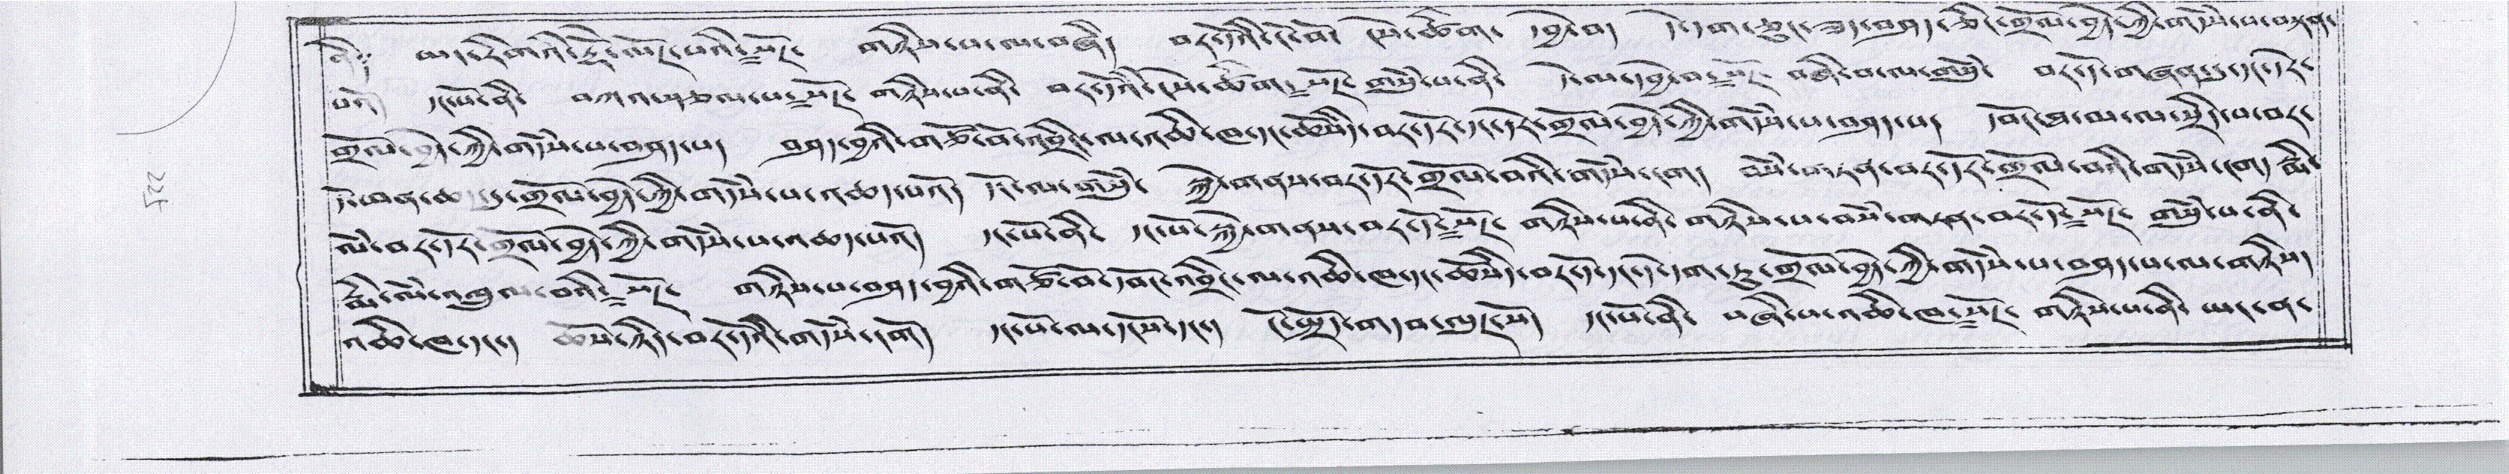ནི། ཡང་རིག་པའི་རྡོ་རྗེ་ལོགས་པའི་སོགས། གཉིས་པ་ལ་བཞི། བར་དོའི་ངོ་བོ། ངེས་ཚིག དབྱེ་བ། དེ་དག་ཅུང་ཟད་བཤད་ཅིང་གྲོལ་བྱེད་ཀྱི་གདམས་པ་བསྟན་
པའོ། དང་པོ་ནི། བཀའ་སྩལ་པ་སོགས། གཉིས་པ་ནི། བར་དོའི་ངེས་ཚིག་སོགས། གསུམ་པ་ནི། དེ་ལ་དབྱེ་བ་སོགས། བཞི་པ་ལ་གསུམ། བར་དོ་གཞན་དུ་དང་དེར་
གྲོལ་བྱེད་ཀྱི་གདམས་པ་བཤད་པ། བཤད་བྱའི་གཙོ་བོ་འབྲིང་ལ་འཆི་ཁ་དང་ཆོས་ཉིད་བར་དོར་དང་དེར་གྲོལ་བྱེད་ཀྱི་གདམས་པ་བཤད་པ། དབང་པོ་ཐ་མ་ལ་སྲིད་པ་བར་
དོ་ཕན་ཆད་དུ་གྲོལ་བྱེད་ཀྱི་གདམས་པ་འཆད་པའོ། དང་པོ་ལ་གསུམ། སྐྱེ་གནས་བར་དོར་གྲོལ་བའི་གདམས་ངག བསམ་གཏན་བར་དོར་གྲོལ་བའི་གདམས་ངག རྨི་
ལམ་བར་དོར་གྲོལ་བྱེད་ཀྱི་གདམས་པ་འཆད་པའོ། དང་པོ་ནི། དང་པོ་སྐྱེ་གནས་བར་དོ་སོགས གཉིས་པ་ནི། གཉིས་པ་བསམ་གཏན་བར་དོ་སོགས། གསུམ་པ་ནི། 
རྨི་ལམ་འཁྲུལ་བའི་སོགས། གཉིས་པ་བཤད་བྱའི་གཙོ་བོ་དབང་པོ་འབྲིང་ལ་འཆི་ཁ་དང་ཆོས་ཉིད་བར་དོ་དང་དེ་དག་ཏུ་གྲོལ་བྱེད་ཀྱི་གདམས་པ་བཤད་པ་ལ་གཉིས། 
འཆི་ཁ་དང། ཆོས་ཉིད་བར་དོའི་གདམས་ངག་གོ། དང་པོ་ལ་དངོས་དང། ངོ་སྤྲོད་གདབ་ལུགས་སོ། དང་པོ་ནི། བཞི་པ་འཆི་ཁ་སོགས། གཉིས་པ་ནི། ཡང་ན།